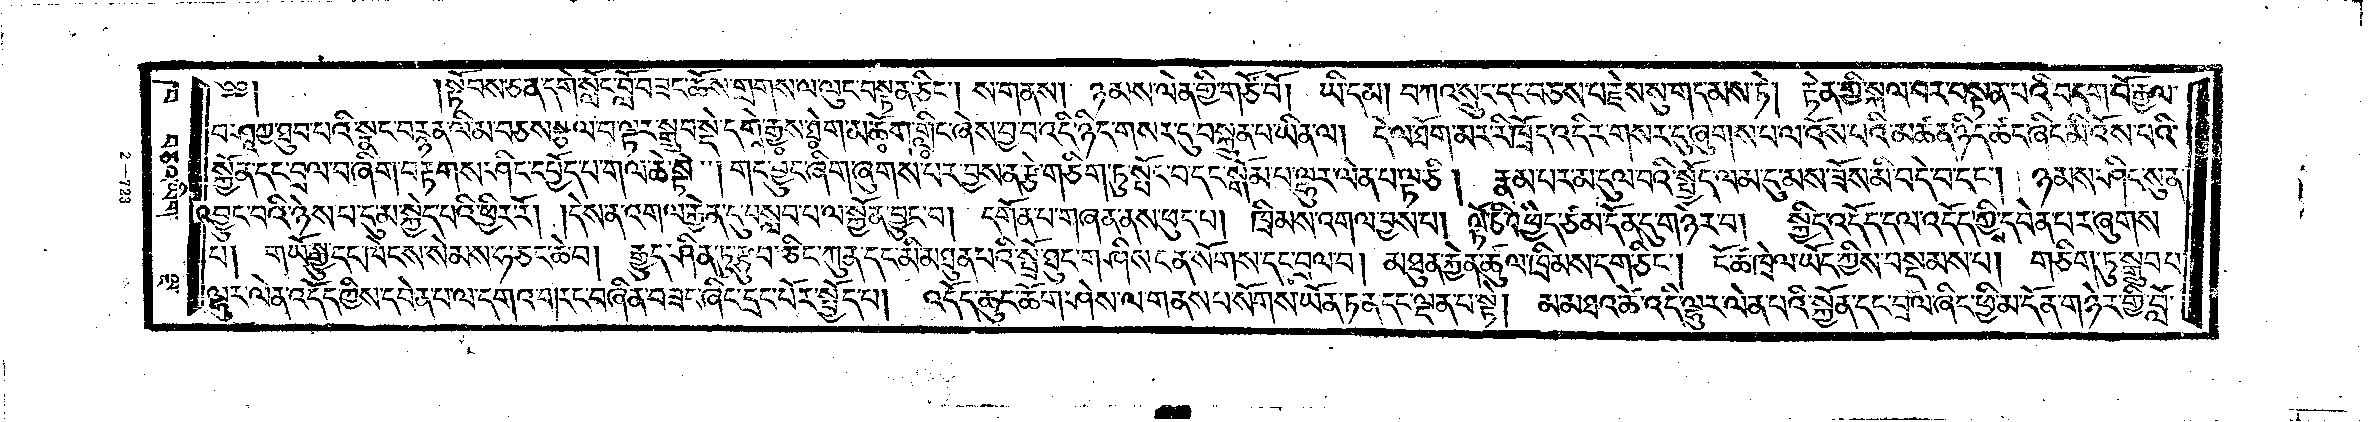༄༅། །སྟོབས་ཅན་དགེ་སློང་བློ་བཟང་ཆོས་གྲགས་ལ་ལུང་བསྟན་ཅིང་། ས་གནས། ཉམས་ལེན་གྱི་གཙོ་བོ། ཡི་དམ། བཀའ་སྲུང་དང་བཅས་པ་རྗེས་སུ་གདམས་ཏེ། རྟེན་གྱི་སྐལ་བར་བསྟན་པའི་བདག་པོ་རྒྱལ་
བ་ཤཱཀྱ་ཐུབ་པའི་སྣང་བརྙན་ལིམ་བཅས་སྩལ་བ་ལྟར་སྒྲུབ་སྡེ་དགེ་རྒྱས྾་ཐེག྾་མཆོག྾་གླིང྾་ཞེས་བྱ་བ་འདི་ཉིད་གསར་དུ་བསྐྲུན་པ་ཡིན་ལ། །དེ་ལ་ཐོག་མར་རི་ཁྲོད་འདིར་གསར་དུ་ཞུགས་པ་ལ་འོས་པའི་མཚན་ཉིད་ཚང་ཞིང་མི་འོས་པའི་
སྐྱོན་དང་བྲལ་བ་ཞིག་བརྟགས་ཤིང་དཔྱོད་པ་གལ་ཆེ་སྟེ། གང་བྱུང་ཞིག་ཞུགས་པར་བྱས་ནས་རྩེ་གཅིག་ཏུ་སྤོང་བ་དང་སྒོམ་པ་ལྷུར་ལེན་པ་ལྟ་ཅི། རྣམ་པར་མ་དུལ་བའི་སྤྱོད་ལམ་དུ་མས་ཟོས་མི་བདེ་བ་དང་། ཉམས་ཤིང་སུན་
འབྱུང་བའི་ཉེས་པ་དུ་མ་སྐྱེད་པའི་ཕྱིར་རོ། །དེས་ན་འགལ་རྐྱེན་དུ་བསླབ་པ་ལ་སྐྱོན་བྱུང་བ། དགོན་པ་གཞན་ནས་ཕུད་པ། ཁྲིམས་འགལ་བྱས་པ། ལྟོ་ཅི་ཕྱིད་ཙམ་དོན་དུ་གཉེར་བ། སྐྱིད་འདོད་དལ་འདོད་ཀྱིས་དབེན་པར་ཞུགས་
པ། གཡོ་སྒྱུ་དང་ཁེངས་སེམས་ཧ་ཅང་ཆེ་བ། རྒྱུད་ཤིན་ཏུ་རྩུབ་ཅིང་ཀུན་དང་མི་མཐུན་པའི་སྤྲོ་ཐུང་གཤིས་ངན་སོགས་དང་བྲལ་བ། མཐུན་རྐྱེན་ཚུལ་ཁྲིམས་དག་ཅིང་། ངོ་ཚ་ཁྲེལ་ཡོད་ཀྱིས་བསྡམས་པ། གཅིག་ཏུ་སྒྲུབ་པ་
ལྷུར་ལེན་འདོད་ཀྱིས་དབེན་པ་ལ་དགའ་བ། རང་བཞིན་བཟང་ཞིང་དྲང་པོར་སྤྱོད་པ། འདོད་ཆུང་ཆོག་ཤེས་ལ་གནས་པ་སོགས་ཡོན་ཏན་དང་ལྡན་པ་སྟེ། མ་མཐའ་ཚེ་འདི་ལྷུར་ལེན་པའི་སྐྱོན་དང་བྲལ་ཞིང་ཕྱི་མ་དོན་གཉེར་གྱི་བློ་